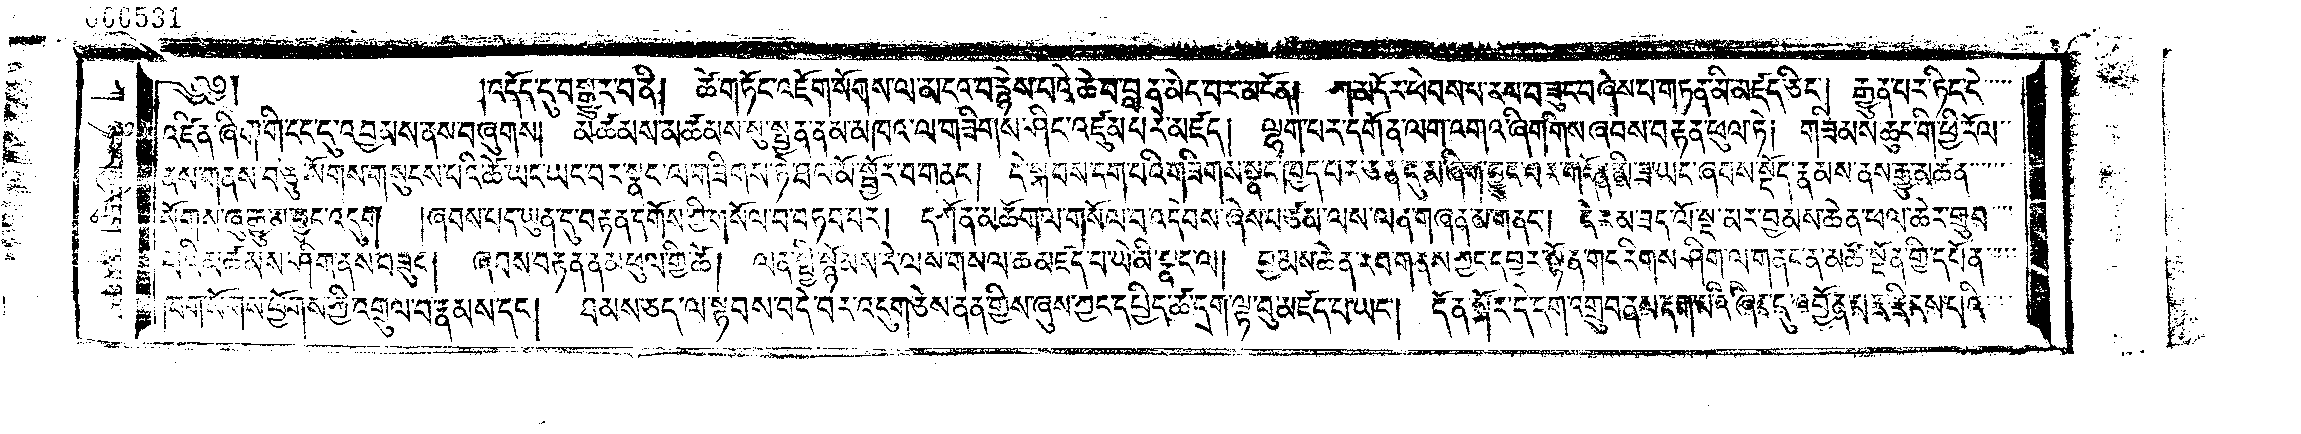༄༅། །འདོད་དུ་བསྒྱུར་བ་ནི། ཚེ་གཏོང་འཇོག་སོགས་ལ་མངའ་བརྙེས་པའི་ཆེ་བ་བླ་ན་མེད་པར་མངོན། ཀ་མདོར་ཕེབས་པ་ནས་བཟུང་བཞེས་པ་གཏན་མི་མཛད་ཅིང་། རྒྱུན་པར་ཏིང་ངེ་
འཛིན་ཞིག་གི་ངང་དུ་འབྱམས་ནས་བཞུགས། མཚམས་མཚམས་སུ་སྤྱན་ནམ་མཁའ་ལ་གཟིགས་ཤིང་འཛུམ་པ་རེ་མཛད། ལྷག་པར་དགོན་ལག་འགའ་ཞིག་གིས་ཞབས་བརྟན་ཕུལ་ཏེ། གཟིམས་ཆུང་གི་ཕྱི་རོལ་
ནས་གནས་བཅུ་སོགས་གསུངས་པའི་ཚེ་ཡང་ཡང་བར་སྣང་ལ་གཟིགས་ཏེ་ཐལ་མོ་སྦྱོར་བ་གནང་། དེ་སྐབས་དག་པའི་གཟིགས་སྣང་ཁྱད་པར་ཅན་དུ་མ་ཞིག་བྱུང་བར་གདོན་མི་ཟ་ཡང་ཞབས་སྡོད་རྣམས་ནས་རྒྱུ་མཚན་
སོགས་ཞུ་རྒྱུ་མ་བྱུང་འདུག །ཞབས་པད་ཡུན་དུ་བརྟན་དགོས་ཀྱི་གསོལ་བ་བཏབ་པར། དཀོན་མཆོག་ལ་གསོལ་བ་འདེབས་ཞེས་པ་ཙམ་ལས་ལན་གཞན་མ་གནང་། དེར་མ་ཟད་ལོ་སྔ་མར་བྱམས་ཆེན་ཕལ་ཆེར་གྲུབ་
པའི་མཚམས་ཤིག་ནས་བཟུང་། ཞབས་བརྟན་ནམ་ཕུལ་གྱི་ཚེ། ལན་སྤྱི་སྙོམས་རེ་ལས་གསལ་ཆ་མཛད་པ་ཡེ་མི་སྣང་ལ། བྱམས་ཆེན་རབ་གནས་ཀྱང་དབྱར་སྟོན་གང་རིགས་ཤིག་ལ་གནང་ན་མཚོ་སྔོན་གྱི་དཔོན་
ཁག་སོགས་ཕྱོགས་ཀྱི་འགྲུལ་བ་རྣམས་དང་། ཐམས་ཅད་ལ་སྟབས་བདེ་བར་འདུག་ཅེས་ནན་གྱིས་ཞུས་ཀྱང་དཔྱིད་ཚ་དྲག་ལྟ་བུ་མཛད་པ་ཡང་། དོན་སྐོར་དེ་དག་འགྲུབ་ནས་དག་པའི་ཞིང་དུ་འབྱོན་པར་རིངས་པའི་